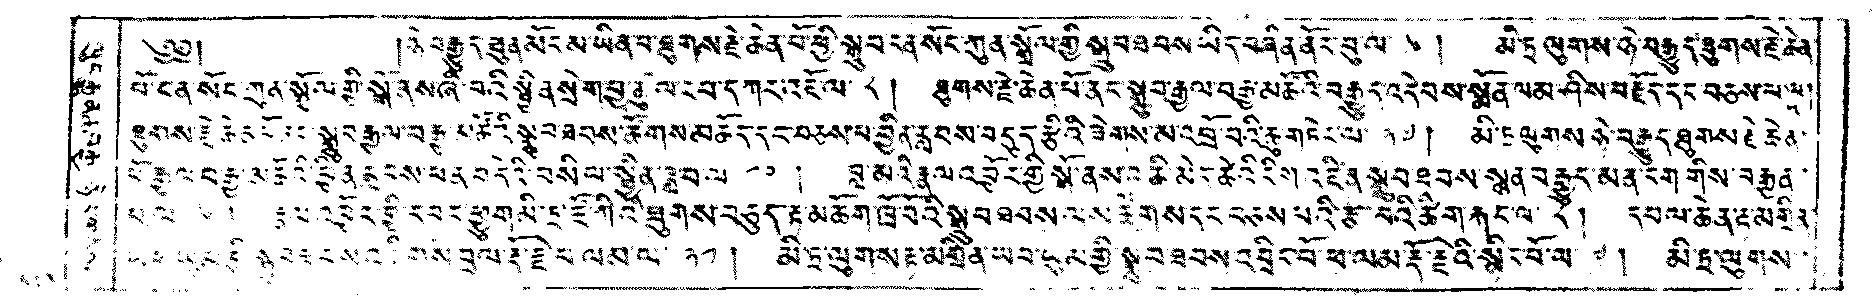༄༅། །ཉེ་བརྒྱུད་ཐུན་མོང་མ་ཡིན་པ་ཐུགས་རྗེ་ཆེན་པོ་ཕྱི་སྒྲུབ་ངན་སོང་ཀུན་སྒྲོལ་གྱི་སྒྲུབ་ཐབས་ཡིད་བཞིན་ནོར་བུ་ལ ༦། མི་ཏྲ་ལུགས་ཉེ་བརྒྱུད་ཐུགས་རྗེ་ཆེན་
པོ་ངན་སོང་ཀུན་སྒྲོལ་གྱི་སྒོ་ནས་ཞི་བའི་སྦྱིན་སྲེག་བྱ་ཚུལ་རབ་དཀར་འཇོ་ལ ༨། ཐུགས་རྗེ་ཆེན་པོ་ནང་སྒྲུབ་རྒྱལ་བ་རྒྱ་མཚོའི་བརྒྱུད་འདེབས་སྨོན་ལམ་ཤིས་བརྗོད་དང་བཅས་པ་ལ ༥།
ཐུགས་རྗེ་ཆེན་པོ་ནང་སྒྲུབ་རྒྱལ་བ་རྒྱ་མཚོའི་སྒྲུབ་ཐབས་ཚོགས་མཆོད་དང་བཅས་པ་བྱིན་རླབས་བདུད་རྩིའི་ཟེགས་མ་འཕྲོ་བའི་ཆུ་གཏེར་ལ ༢༧། མི་ཏྲ་ལུགས་ཉེ་བརྒྱུད་ཐུགས་རྗེ་ཆེན་
པོ་རྒྱལ་བ་རྒྱ་མཚོའི་བྱིན་རླབས་ཕན་བདེའི་བསིལ་སྦྱིན་ཟླ་བ་ལ ༡༠། བླ་མའི་རྣལ་འབྱོར་གྱི་སྒོ་ནས་འཆི་མེད་ཚེའི་རིག་འཛིན་སྒྲུབ་ཐབས་སྙན་བརྒྱུད་མན་ངག་གིས་བརྒྱན་
པ་ལ ༦། རྣལ་འབྱོར་གྱི་དབང་ཕྱུག་མི་ཏྲ་ཛོ་ཀིའི་ཐུགས་བཅུད་རྟ་མཆོག་ཁྲོ་བོའི་སྒྲུབ་ཐབས་ལས་ཚོགས་དང་བཅས་པའི་རྩ་བའི་ཚིག་རྐང་ལ ༨། དཔལ་ཆེན་རྟ་མགྲིན་
ཡབ་ཡུམ་གྱི་སྒྲུབ་ཐབས་འཇིགས་བྲལ་རྡོ་རྗེ་ཕ་ལམ་ལ ༢༡། མི་ཏྲ་ལུགས་རྟ་མགྲིན་ཡབ་ཡུམ་གྱི་སྒྲུབ་ཐབས་འབྲིང་པོ་ཕ་ལམ་རྡོ་རྗེའི་སྙིང་པོ་ལ ༧། མི་ཏྲ་ལུགས་